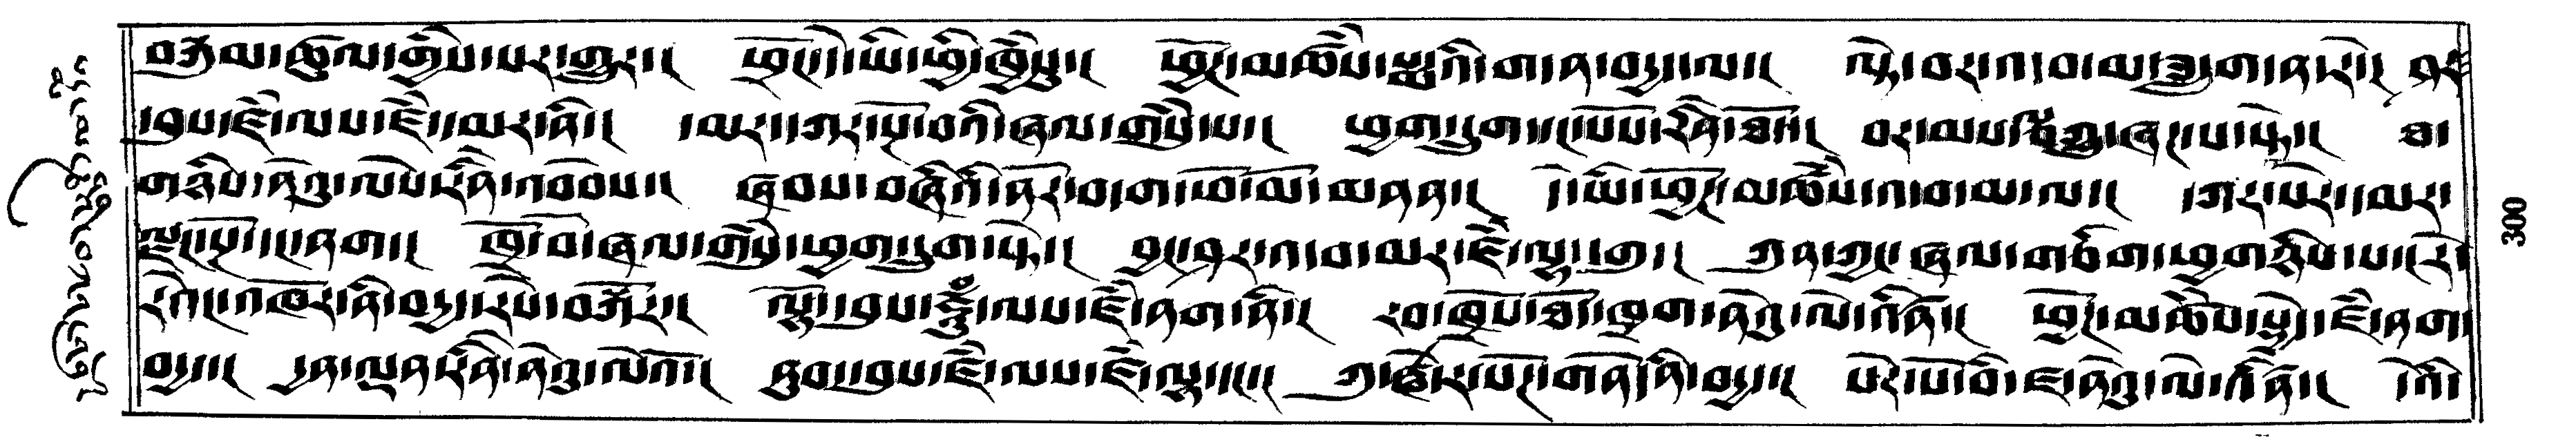བསྒུམ་ཚུལ་གྱིས་བཞུགས་པར། །ཕོ་བྲང་དེ་ཡི་ཕྱི་ཁྱམས་གསུམ། །ཕྱོགས་མཚམས་པདྨའི་གདན་བརྒྱད་ལ། །ལྟེ་བར་འདབ་མ་ཟླ་གདན་རེ། །ཤར་
དབུས་ཛམ་ལས་ཛམ་དམར་ནི། །དམར་དཀར་སྔོ་བའི་ཞལ་གསུམ་པ། །ཕྱག་དྲུག་དང་པོས་རིན་ཆེན་ཐོད། །བར་མས་ལྕགས་ཀྱུ་ཞགས་པ་སྟེ། །ཐ་
གཉིས་ནེའུ་ལེས་རིན་ཆེན་འབེབས། །ཞབས་བཞིའི་ནོར་བདག་ཕོ་མོ་མནན། །དེ་ཡི་ཕྱོགས་མཚམས་འདབ་མ་ལ། །དཀར་སེར་དམར་
ལྗང་སྔོ་དང་ནག །ཁྲོ་བོ་ཞལ་གསུམ་ཕྱག་དྲུག་སྟེ། །བྱང་ཤར་འདབ་མར་ཛམ་ལྷ་དགུ། །ཀུན་ཀྱང་ཞལ་གཅིག་ཕྱག་གཉིས་པ། རེ་
རེའང་འཁོར་ནི་བརྒྱད་རེས་བསྐོར། །ལྷོ་དབུས་ཧཱུྃ་ལས་ཛམ་ནག་ནི། །རབ་ཁྲོས་ཐོད་ཁྲག་ནེའུ་ལེ་འཛིན། །ཕྱོགས་མཚམས་སྡེ་རྒྱ་ཛམ་ནག་
བརྒྱད། །རྒྱན་ལྡན་རིན་ཆེན་ནེའུ་ལེའོ། །ནུབ་དབུས་ཛམ་ལས་ཛམ་ལྷ་དང་། །ཀུ་ཝེར་ར་སོགས་གནོད་སྦྱིན་བརྒྱད།སེར་པོ་བི་ཛ་ནེའུ་ལེ་འཛིན། །དེའི་